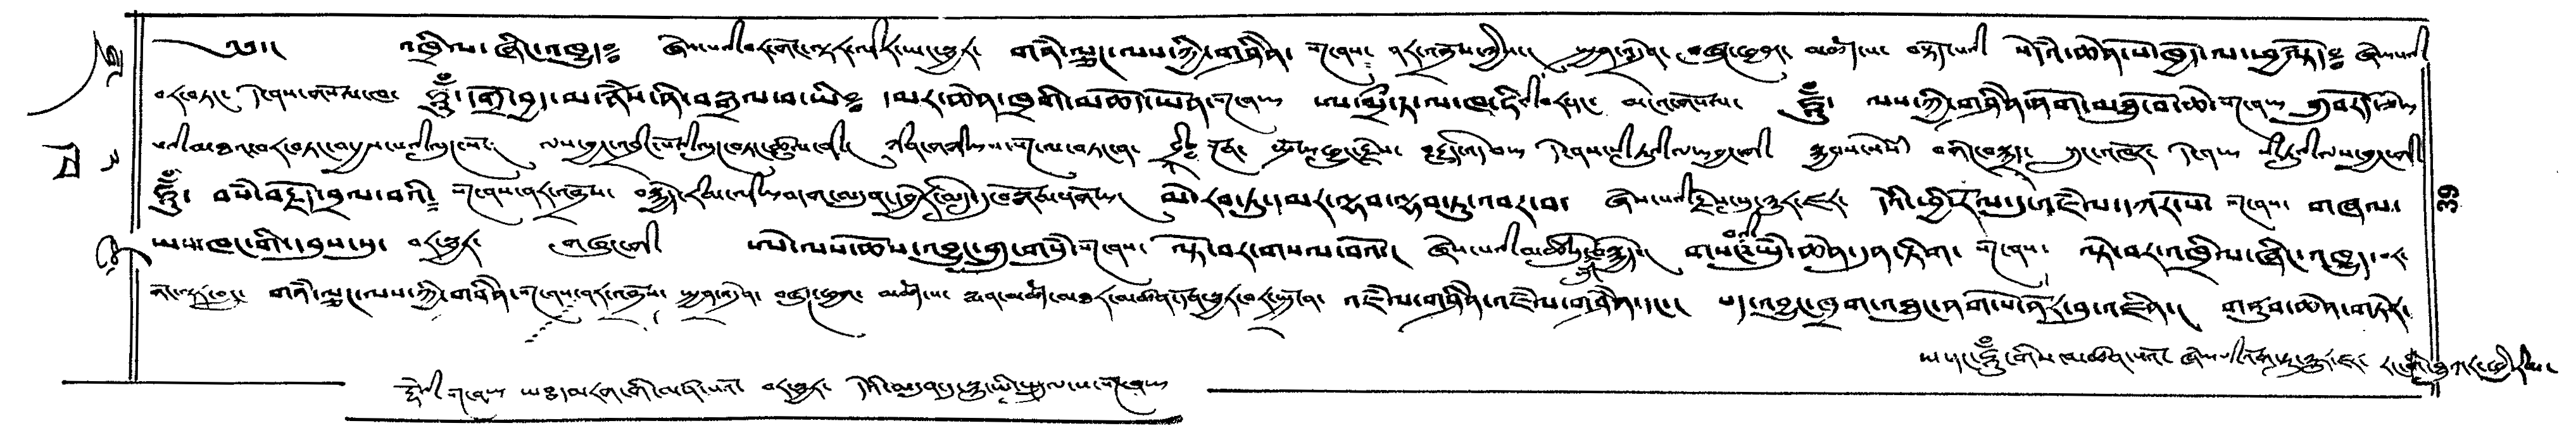འཁྲིལ་ཞིང་འཁྱུད༔ ཞེས་པའི་བར་གོང་ལྟར་འདིར་ཡང་སྦྱར། གནམ་ལྕགས་ལས་ཀྱི་གཤིན་རྗེ༴ སོགས་ནས་ནར་འགྲོས་ཀྱིས། སྤྱན་འདྲེན། བཞུགས་ཕྱག མཆོད་པ་དང་། བསྟོད་པའི། སེམས་དཔའ་ཆེན་པོ་ཁྱོད་ལ་ཕྱག་འཚལ་སྟོད༔ ཞེས་པའི་
བར་བཏང་། དེ་ནས་གསོལ་ཁ། ཧཱུྃཿ དགྲ་བོ་བྱད་མ་རྣམས་ནི་བསྒྲལ་བ་ཡི༔ དམར་ཆེན་ཁྲག་གི་མཆོད་ཡོན་སོགས་ནས། ཨ་མྲྀ་ཏ་ལ་ཁ་ཧི འི་བར་དང་། མངའ་གསོལ། ཧཱུྃ༔ ལས་ཀྱི་གཤིན་རྗེ་ནག་པོ་མཐུ་བོ་ཆེ༔ སོགས་ནས། གྲུབ་པར་མཛོད་ཅེས་
པའི་མཐའ་བར་བཏང་བ་རྒྱས་པའི་ལུགས་སོ།། ལས་བྱང་འབྲིང་པོའི་ལུགས་བཏང་ཚུལ་ནི། ཉིན་གཉིས་པ་སོགས་ལ་བཏང་ན། ཧྲཱིཿ སྔོན༴ སྤོས་ཕྱུང་རྗེས། བརྒྱུད་འདེབས། དེ་ནས་སི་ཏུའི་ལས་བྱང་གི། སྐྱབས་སེམས། བགེགས་བསྐྲད། སྲུང་འཁོར། དེ་ནས། སི་ཏུའི་ལས་བྱང་གི 
ཧཱུྃ༔ བསམ་བརྗོད་བྲལ་བའི༴ སོགས་ནས་ནར་འགྲོས། བསྐྱེད་རིམ་འདིས་བདག་མདུན་དབྱེར་མེད་དུ་བསྒོམ་དགོས། མེ་རབ་ཏུ་དམར་ལྷབ་ལྷབ་ཏུ་འབར་བ༴ ཞེས་པའི་རྗེས་སུ་ཟུར་ཛར། དེའི་ཕྱི་རཽལ་དུ་འཇམ་དཔལ་དཀར་པོ༴ སོགས་ནས། གཞལ་
ཡས་ཁང་གི་དབུས་སུ༴ བར་སྦྱར། གཞུང་གི་ཨེ་ལས་ཆོས་འབྱུང་གྲུ་གསུམ༴ སོགས་ནས། ལྟོ་བར་གསལ་བའོ༔ ཞེས་པའི་མཚམས་སུ་ཡབ་ཡུམ་བསྐྱེད། གསང་བའི་ཡུམ་ཆེན་དུན་ཏིག༴ སོགས་ནས། ལྟེ་བར་འཁྲིལ་ཞིང་འཁྱུད༴ བར་
གོང་ལྷར་བླང་། གནམ་ལྕགས་ལས་ཀྱི་གཤིན་རྗེ༴ སོགས། རྡོ་རྗེའི་སོགས་ནས། ཡཿདམར་ནག་གི་མཚན་པའོ། ཞེས་པའི་བར་སྦྱར། དེའི་མདུན་དུ་སྐུ་ཡི་སྤྲུལ་པ༴ སོགས་ནས། ཡ་དང་ཧཱུྃ་གིས་མཚན་པའོ། ཞེས་པའི་བར་ཟུར་ཛར། རང་གི་ཐུགས་ཀའི་ཕྱི་རིམ་སོགས་ནསནར་འགྲོས། སྤྱན་འདྲེན། བཞུགས་ །པད་འབྱུང་ཁྲག་འཐུང་ནག་པོ་ནོར་བུ་འཛིན། །གནུབས་ཆེན་གཏེར་